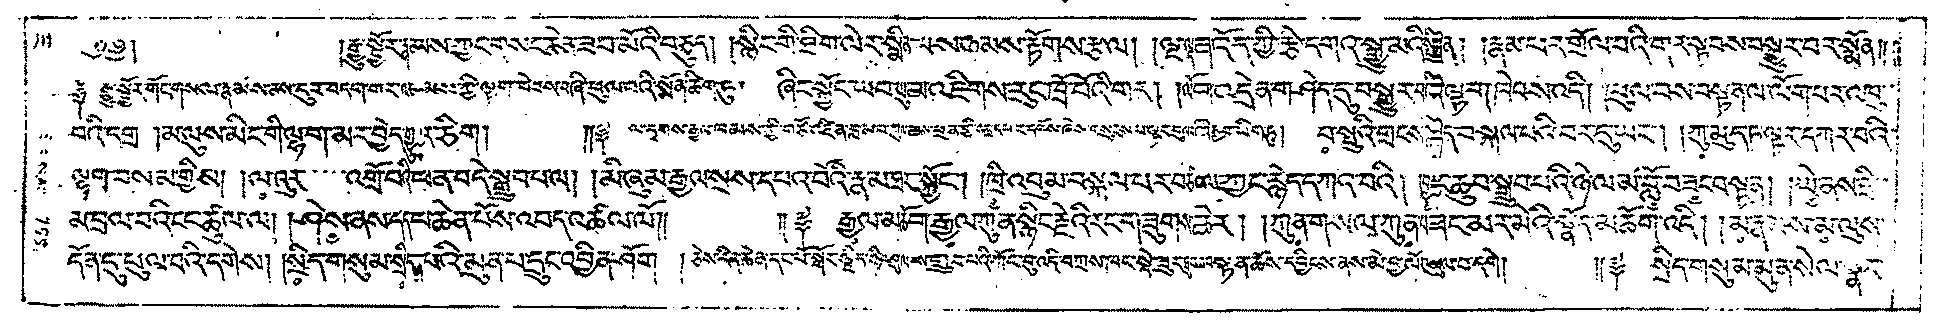༄༅། །རྒྱུ་སྦྱོར་རྣམས་ཀྱང་གསང་ཆེན་ཟབ་མོའི་བཅུད། །སྙིང་གི་ཐིག་ལེར་སྨིན་པས་ཉམས་རྟོགས་རྩལ། །ལྔ་ལྡན་འོད་ཀྱི་རྩེ་དགའ་སྒྱུ་མའི་སྤྲིན། །རྣམ་པར་གྲོལ་བའི་གར་སྟབས་བསྒྱུར་བར་སྨོན།། །།
༈ རྒྱུ་སྦྱོར་གོང་གསལ་རྣམས་ནས་དུར་བདག་གར་འཆམས་ཀྱི་ལྟག་ཁེབས་བཞི་ཕུལ་བའི་སྨོན་ཚིག་ཏུ།  ཞིང་སྐྱོང་ཡབ་ཡུམ་འཇིགས་རུང་ཁྲོ་བོའི་གར། །ལོག་འདྲེན་གཤེད་དུ་བསྒྱུར་བའི་ལྟག་ཁེབས་འདི། །ཕུལ་བས་བསྟན་ལ་ལོག་པར་འཁུ་
བའི་དགྲ་།མ་ལུས་མིང་གི་ལྷག་མར་བྱེད་གྱུར་ཅིག ། །། ༈ ལ་དྭགས་རྒྱལ་ཁམས་ཀྱི་གཙོ་འཛིན་བླ་མ་བ་ཀུ་ལ་ནས་ཕྲན་གྱི་འདྲ་དཔར་དགོས་ཞེས་གསུངས་པ་ལྟར་ཕུལ་བའི་རྒྱབ་ཡིག་ཏུ།  བ྾་སྤུའི་གྲངས་སྙེད་བསྐལ་བའི་བར་དུ་ཡང་། །ཀུ྾་མུད་ཏ་ལྟར་དཀར་བའི་
ལྷག་བསམ་གྱིས། །ལ྾་འུར་འགྲོ་བའི་ཕན་བདེ་སྒྲུབ་པ་ལ། །མི་ཞུམ་རྒྱལ་སྲས་དཔའ་བོའི་རྣམ་ཐར་སྐྱོང་། །ཁྲི྾་འབུམ་བསྐལ་པར་བཙལ་ཀྱང་རྙེད་དཀའ་བའི། །བྱང྾་ཆུབ་སྒྲུབ་པའི་ཉེ་ལམ་བློ་བཟང྾་བསྟན། །ཡེ྾་ནས་དྲི་
མ་བྲལ་བའི་ངང་ཚུལ་ལ། །ཤེས྾་ནས་དད་པ་ཆེན་པོས་འབད་འཚལ་ལོ།། །། ༈ རྒྱལ྾་མཆོག་རྒྱལ྾་ཀུན་སྙིང་རྗེའི་རང་གཟུགས་ཆེར། །ཀུན྾་གསལ་ཀུན྾་བཟང་མར་མེའི་སྣོད་མཆོག་འདི། །མ྾་རྣམས་མ྾་ལུས་
དོན་དུ་ཕུལ་བའི་དགེས། །སྲིད྾་གསུམ་སྲིད྾་པའི་མུན་པ་དྲུང་འབྱིན་ཤོག ། ཅེས་རིན་ཆེན་དང་པོ་སྒོར་ལྗིད་ཉི་ཤུ་ལས་གྲུབ་པའི་ཀོང་བུ་འདི་བཀྲས་ཁང་སྡེ་ཟུར་ཐུབ་བསྟན་ཆོས་དབྱིངས་ནས་མེ་བྱ་ལོར་ཕུལ་བ་དགེ །  །། ༈ སྲིད་གསུམ་མུན་སེལ་སྣང་